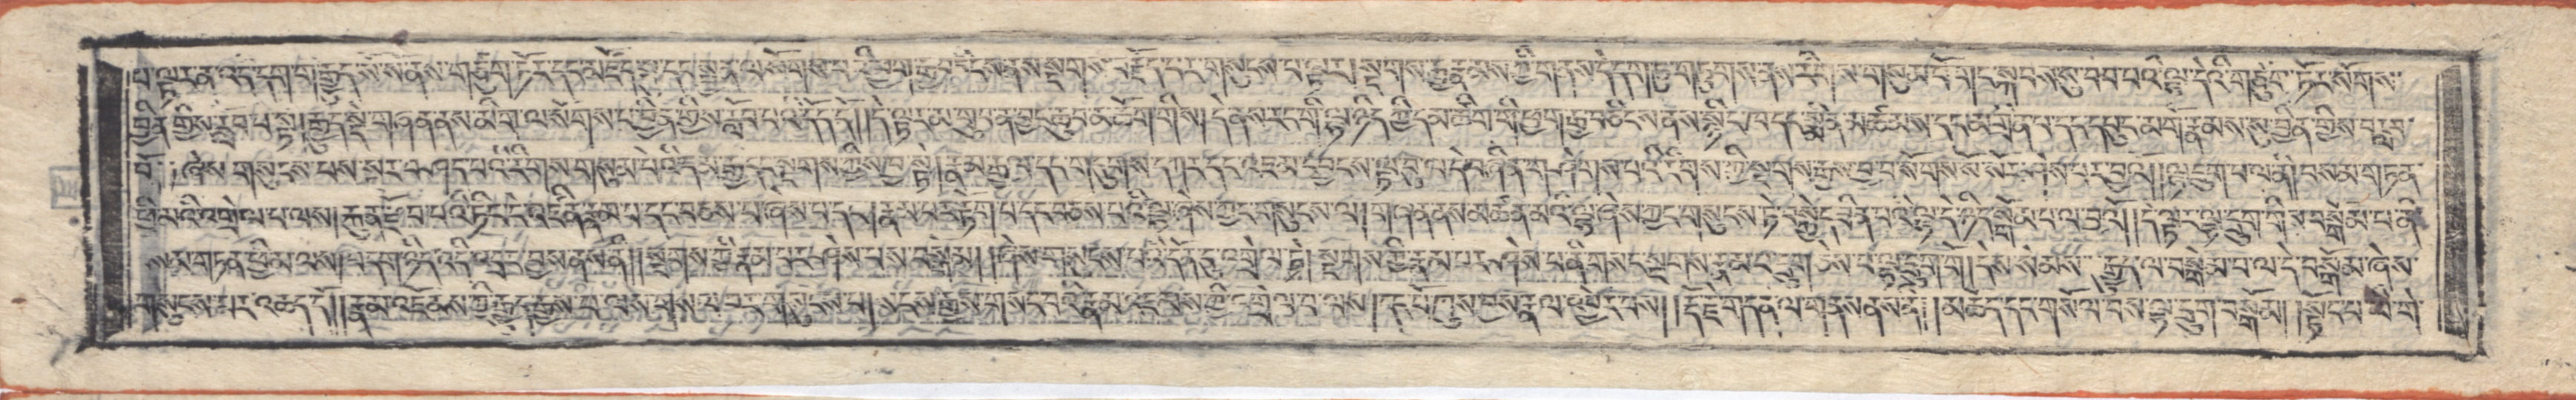པ་ལྟར་ན་འདི་དག་གི་རྒྱུད་སོ་སོ་ནས་གཙུག་ཏོར་དང་མཛོད་སྐུ་དང་སྤྱན་ལ་སོགས་པའི་ཕྱག་རྒྱ་བཅིངས་ནས་སྔགས་བརྗོད་པར་གསུངས་པ་ལྟར། སྔགས་རྒྱ་རྣམས་ཀྱི་གནས་དེ་དག་ཏུ་གཏུགས་ནས་རིགས་གསུམ་པོ་གང་སྐབས་སུ་བབ་པའི་ལྷ་དེའི་གཙུག་ཏོར་སོགས་
བྱིན་གྱིས་རློབ་པ་སྟེ། རྒྱུད་སྡེ་གཞན་ནས་མིག་ལ་སོགས་པ་བྱིན་གྱིས་རློབ་པའི་དོད་དོ། །དེ་ལྟར་མ་གྲུབ་ན་བྱང་ཆུབ་མཆོག་གིས། དེ་ནས་རང་གི་ལྷ་ཉིད་ཀྱི་དམ་ཚིག་གི་ཕྱག་རྒྱ་བཅིངས་ནས་སྙིང་ཁ་དང་སྨིན་མཚམས་དང་མགྲིན་པ་དང་དཔུང་མགོ་རྣམས་སུ་བྱིན་གྱིས་བརླབ་
པོ༑ ༑ཞེས་གསུངས་པས་སྔར་བཤད་པའི་རིགས་གསུམ་པོའི་དམ་རྒྱ་དང་སྔགས་ཀྱིས་བྱ་སྟེ། རྣམ་རྒྱལ་དང་གདུགས་དཀར་དང་འཇམ་དབྱངས་ལྟ་བུ་ལ་དེ་བཞིན་གཤེགས་པའི་རིགས་ཀྱི་སྔགས་རྒྱས་བྱ་བ་སོགས་སོ་སོར་ཤེས་པར་བྱའོ། །ལྷ་དྲུག་པ་ལ་ནི། བསམ་གཏན་
ཕྱི་མའི་འགྲེལ་པ་ལས། རྐུན་རྫོབ་པའི་ཏིང་ངེ་འཛིན་རྣམ་པ་དང་བཅས་པ་ཞེས་པ་དང་། རྣམ་པར་རྟོག་པ་དང་བཅས་པའི་ལྷ་ཞེས་ཀྱང་གསུངས་ལ། གཞན་ནས་མཚན་མའི་ལྷ་ཞེས་ཀྱང་གསུངས་ཏེ་བསྐྱེད་ཟིན་པའི་ལྷ་དེ་ཉིད་སྒོམ་པ་ལ་བྱའོ། །དེ་ལྟར་ལྷ་དྲུག་གིས་བསྒོམ་པ་ནི་
བསམ་གཏན་ཕྱི་མ་ལས། བདག་ཉིད་འདི་འདྲར་བྱས་ནས་ནི། །སྔགས་ཀྱི་རྣམ་པར་ཤེས་པས་བསྒོམ། །ཞེས་གསུངས་པའི་དོན་དུ་འགྲེལ་ཏེ། སྔགས་ཀྱི་རྣམ་པར་ཤེས་པ་ནི་གསང་སྔགས་རྣམ་པ་དྲུག་ཅེས་པ་ལྷ་དྲུག་གོ །དེས་སེམས་རྒྱུད་ལ་བསྒོམ་པ་ལ་དེ་བསྒོམ་ཞེས་
གསུངས་པར་འཆད་དོ། །རྣམ་འཇོམས་ཀྱི་རྒྱུད་རྒྱས་པ་ལས་གསལ་བར་གསུངས་པ། སངས་རྒྱས་གསང་བའི་རྣམ་འཇམས་ཀྱི་འགྲེལ་པ་ལས། དང་པོ་ཁྲུས་བྱས་རྣལ་འབྱོར་པས། །རྡོ་རྗེ་གདན་ལ་གནས་ནས་ནི། །མཆོད་དང་གསོལ་བས་ལྷ་དྲུག་བསྒོམ། །སྟོང་པ་ཡི་གེ་